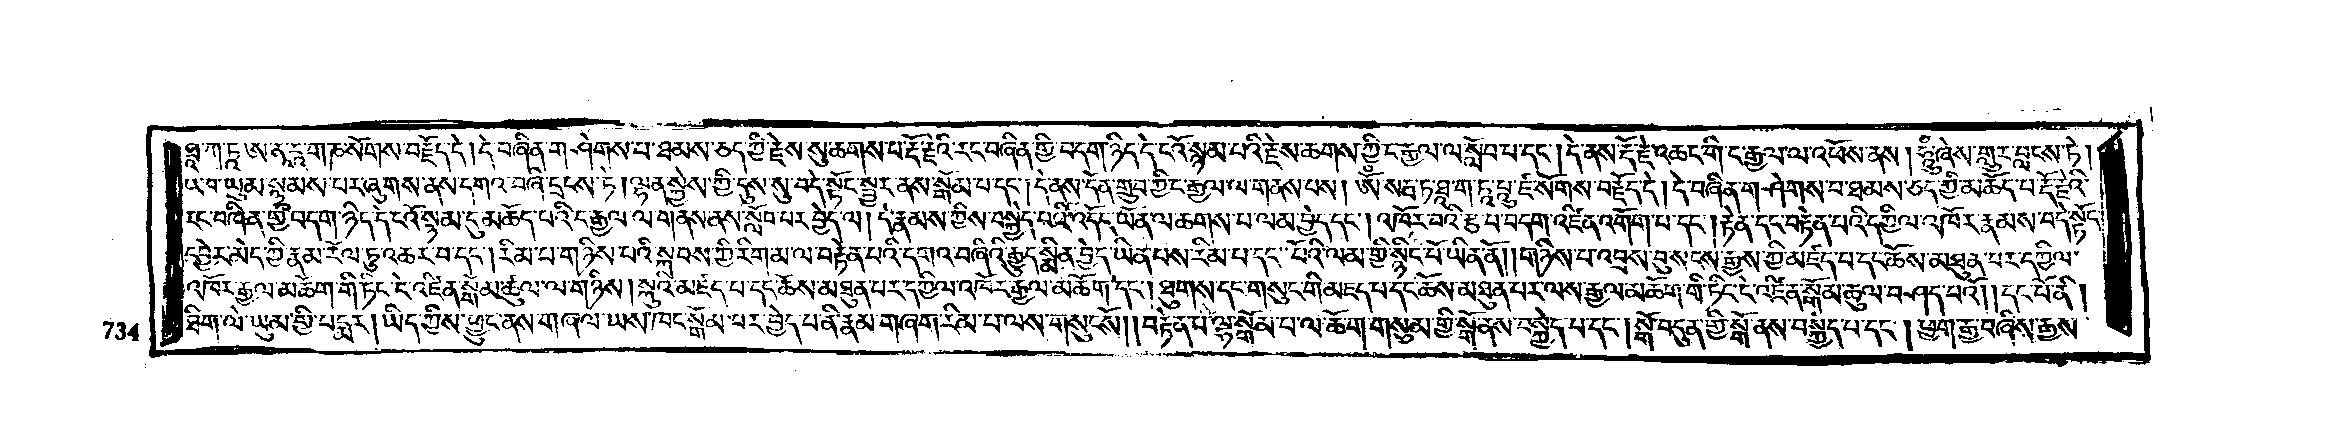ཐཱ་ཀ་ཏཱ་ཨ་ནུ་རཱ་ག་ཎ་སོགས་བརྗོད་དེ། དེ་བཞིན་གཤེགས་པ་ཐམས་ཅད་ཀྱི་རྗེས་སུ་ཆགས་པ་རྡོ་རྗེའི་རང་བཞིན་གྱི་བདག་ཉིད་དེ་ངའོ་སྙམ་པའི་རྗེས་ཆགས་ཀྱི་ང་རྒྱལ་ལ་སློབ་པ་དང་། དེ་ནས་རྡོ་རྗེ་འཆང་གི་ང་རྒྱལ་ལ་འཕོས་ནས། ཧཱུཾ་ཞེས་གླུར་བླངས་ཏེ།
ཡབ་ཡུམ་སྙོམས་པར་ཞུགས་ནས་དགའ་བཞི་དྲངས་ཏེ། ལྷན་སྐྱེས་ཀྱི་དུས་སུ་བདེ་སྟོང་སྦྱར་ནས་སྒོམ་པ་དང་། དེ་ནས་དོན་གྲུབ་ཀྱི་ང་རྒྱལ་ལ་གནས་པས། ཨོཾ་སརྦ་ཏ་ཐཱ་ག་ཏཱ་པཱུ་ཛ་སོགས་བརྗོད་དེ། དེ་བཞིན་གཤེགས་པ་ཐམས་ཅད་ཀྱི་མཆོད་པ་རྡོ་རྗེའི་
རང་བཞིན་གྱི་བདག་ཉིད་དེ་ངའོ་སྙམ་དུ་མཆོད་པའི་ང་རྒྱལ་ལ་གནས་ནས་སློབ་པར་བྱེད་ལ། དེ་རྣམས་ཀྱིས་བསྐྱེད་པའི་འདོད་ཡོན་ལ་ཆགས་པ་ལམ་བྱེད་དང་། འཁོར་བའི་རྩ་བ་བདག་འཛིན་འགོག་པ་དང་། རྟེན་དང་བརྟེན་པའི་དཀྱིལ་འཁོར་རྣམས་བདེ་སྟོང་
དབྱེར་མེད་ཀྱི་རྣམ་རོལ་ཏུ་འཆར་བ་དང་། རིམ་པ་གཉིས་པའི་སྐབས་ཀྱི་རིག་མ་ལ་བརྟེན་པའི་དགའ་བཞིའི་རྒྱུད་སྨིན་བྱེད་ཡིན་པས་རིམ་པ་དང་པོའི་ལམ་གྱི་སྙིང་པོ་ཡིན་ནོ། །གཉིས་པ་འབྲས་བུ་སངས་རྒྱས་ཀྱི་མཛད་པ་དང་ཆོས་མཐུན་པར་དཀྱིལ་
འཁོར་རྒྱལ་མཆོག་གི་ཏིང་ངེ་འཛིན་སྒོམ་ཚུལ་ལ་གཉིས། སྐུའི་མཛད་པ་དང་ཆོས་མཐུན་པར་དཀྱིལ་འཁོར་རྒྱལ་མཆོག་དང་། ཐུགས་དང་གསུང་གི་མཛད་པ་དང་ཆོས་མཐུན་པར་ལས་རྒྱལ་མཆོག་གི་ཏིང་ངེ་འཛིན་སྒོམ་ཚུལ་བཤད་པའོ། །དང་པོ་ནི།
ཐིག་ལེ་ཡུམ་གྱི་པདམར། ཡིད་ཀྱིས་བྱུང་ནས་གཞལ་ཡས་ཁང་སྒོམ་པར་བྱེད་པ་ནི་རྣམ་གཞག་རིམ་པ་ལས་གསུངས་སོ། །བརྟེན་པ་ལྷ་སྒོམ་པ་ལ་ཆོ་ག་གསུམ་གྱི་སྒོ་ནས་བསྐྱེད་པ་དང་། སྒོ་བདུན་གྱི་སྒོ་ནས་བསྐྱེད་པ་དང་། ཕྱག་རྒྱ་བཞིས་རྒྱས་